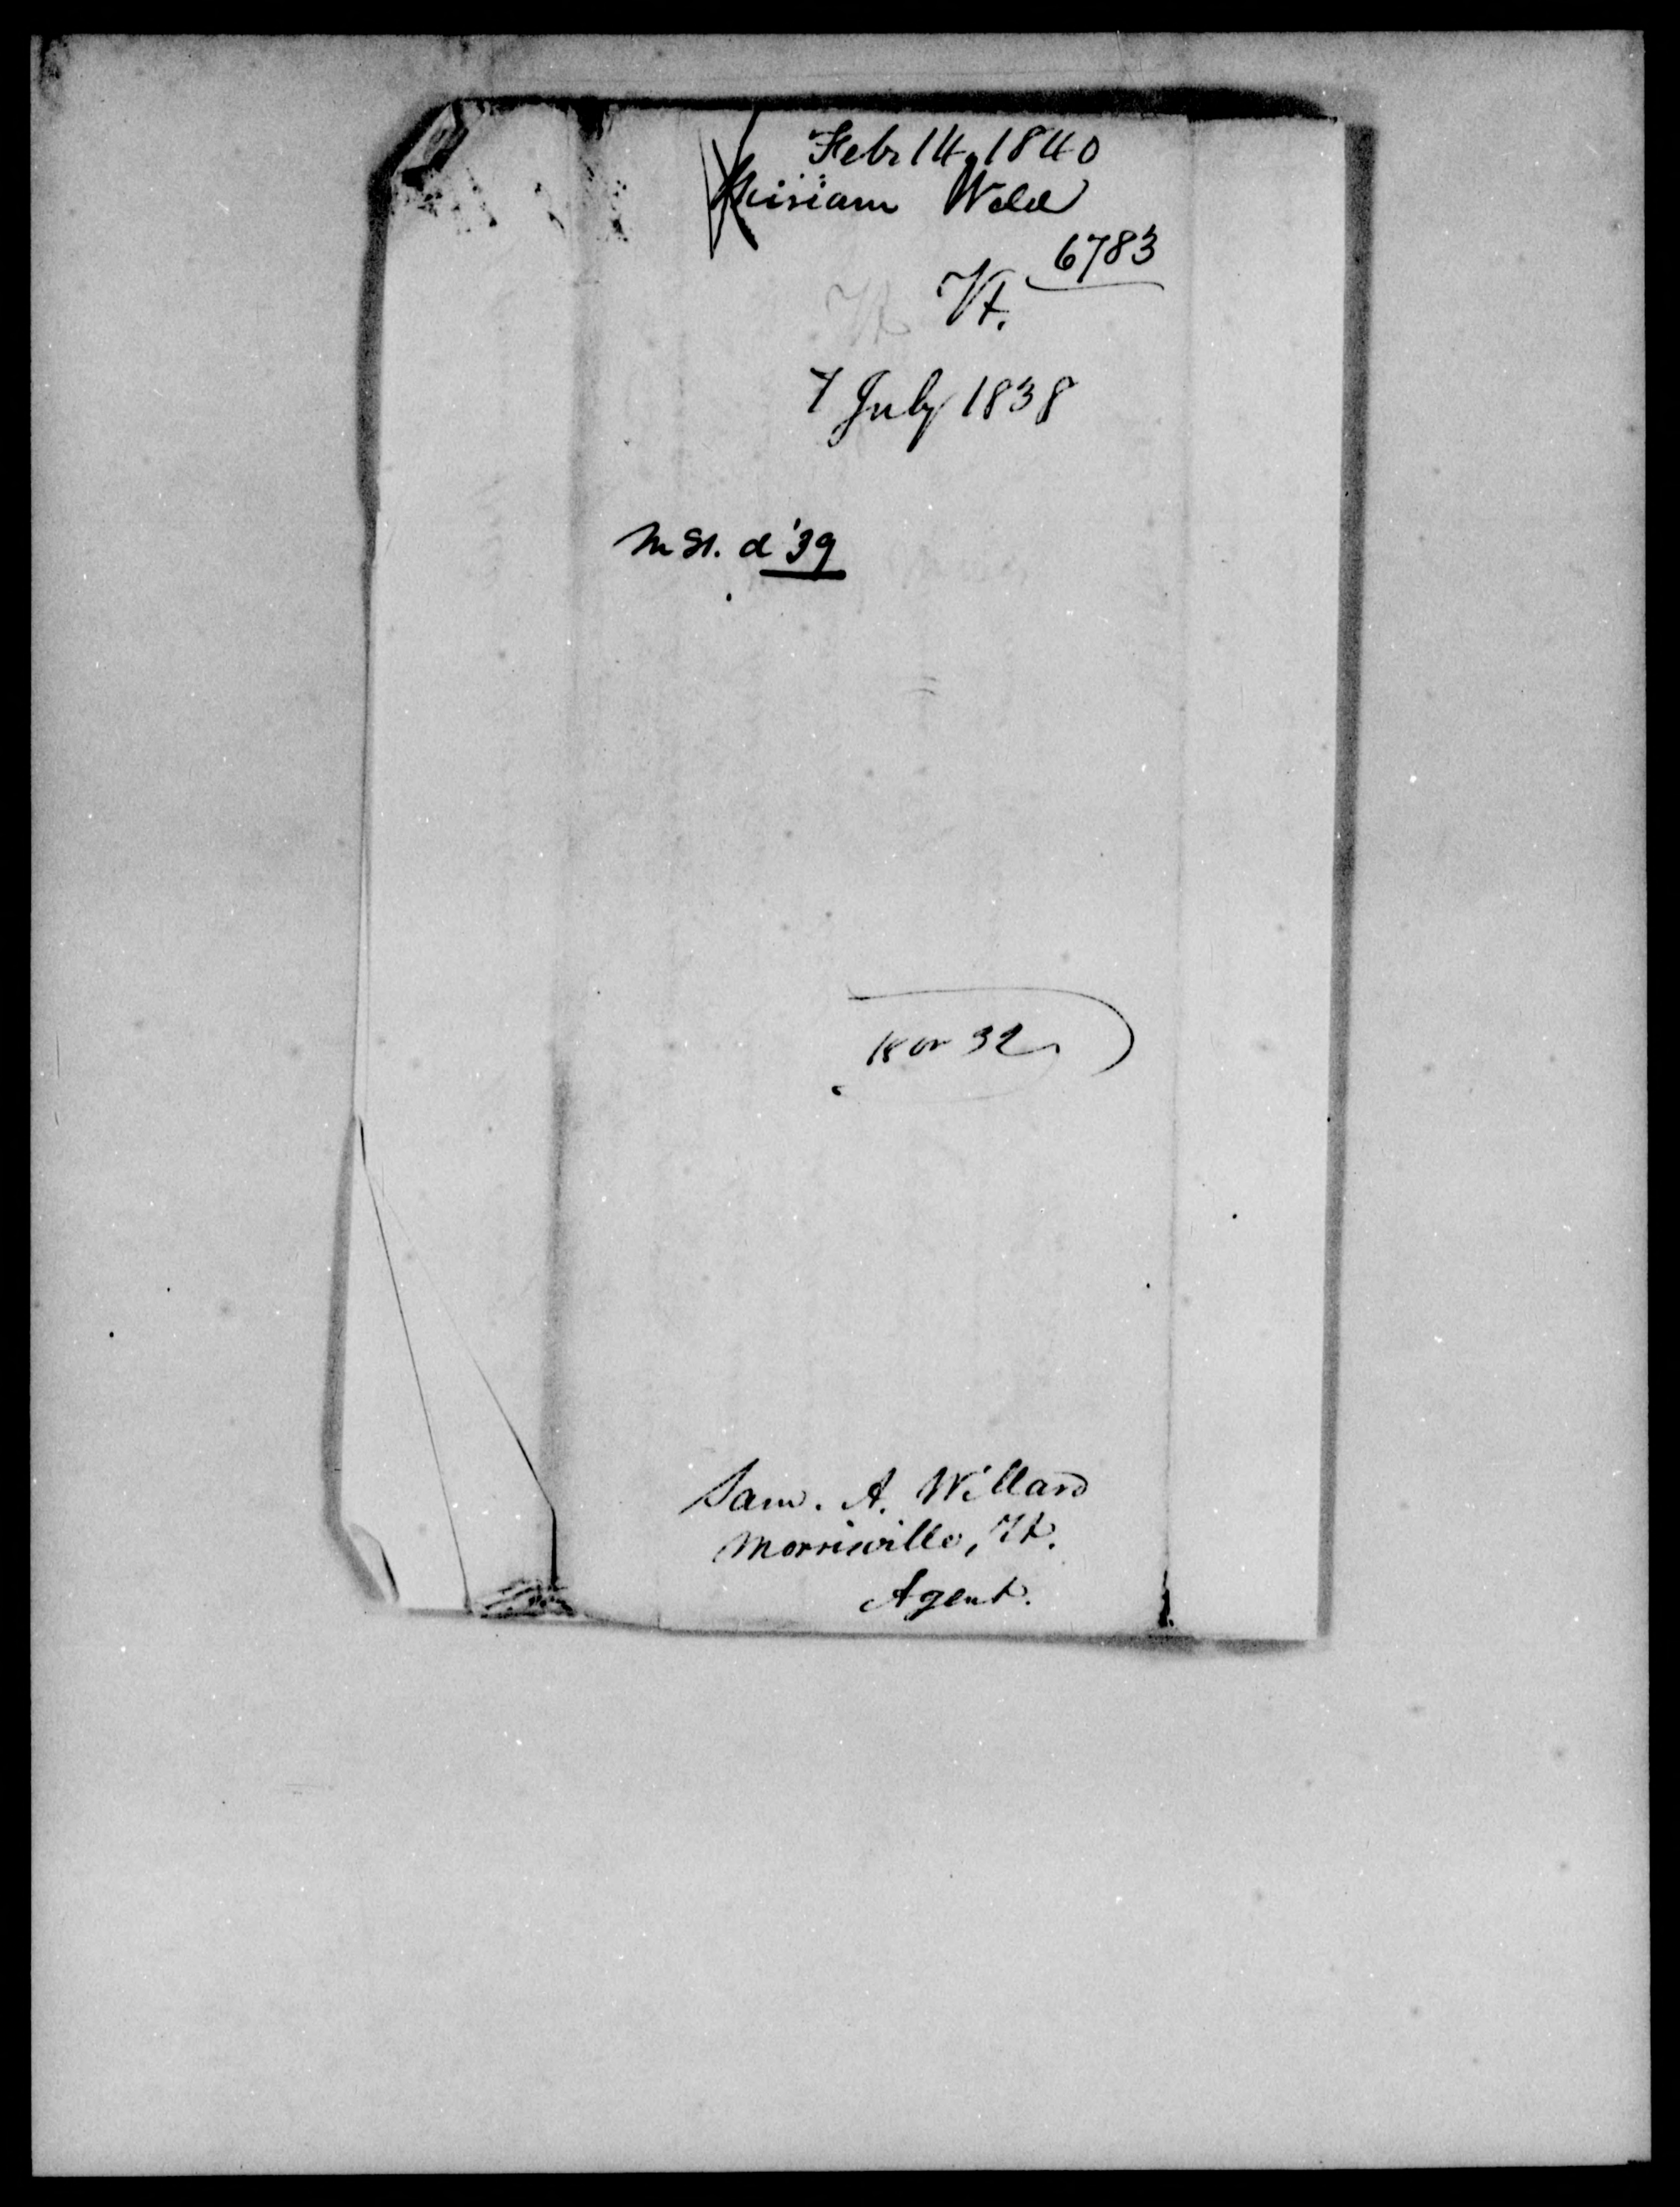Feb 14, 1840
Miriam Wild
6783
VT
7 July 1838
[M.S.]? d. 39
---
18 or 32
Sam. A. Willard
Morrisville, VT
Agent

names: Sam A Willard, Miriam Weld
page: 12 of 87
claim: widow's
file: W. 25,966, Moses Weld, Mass.